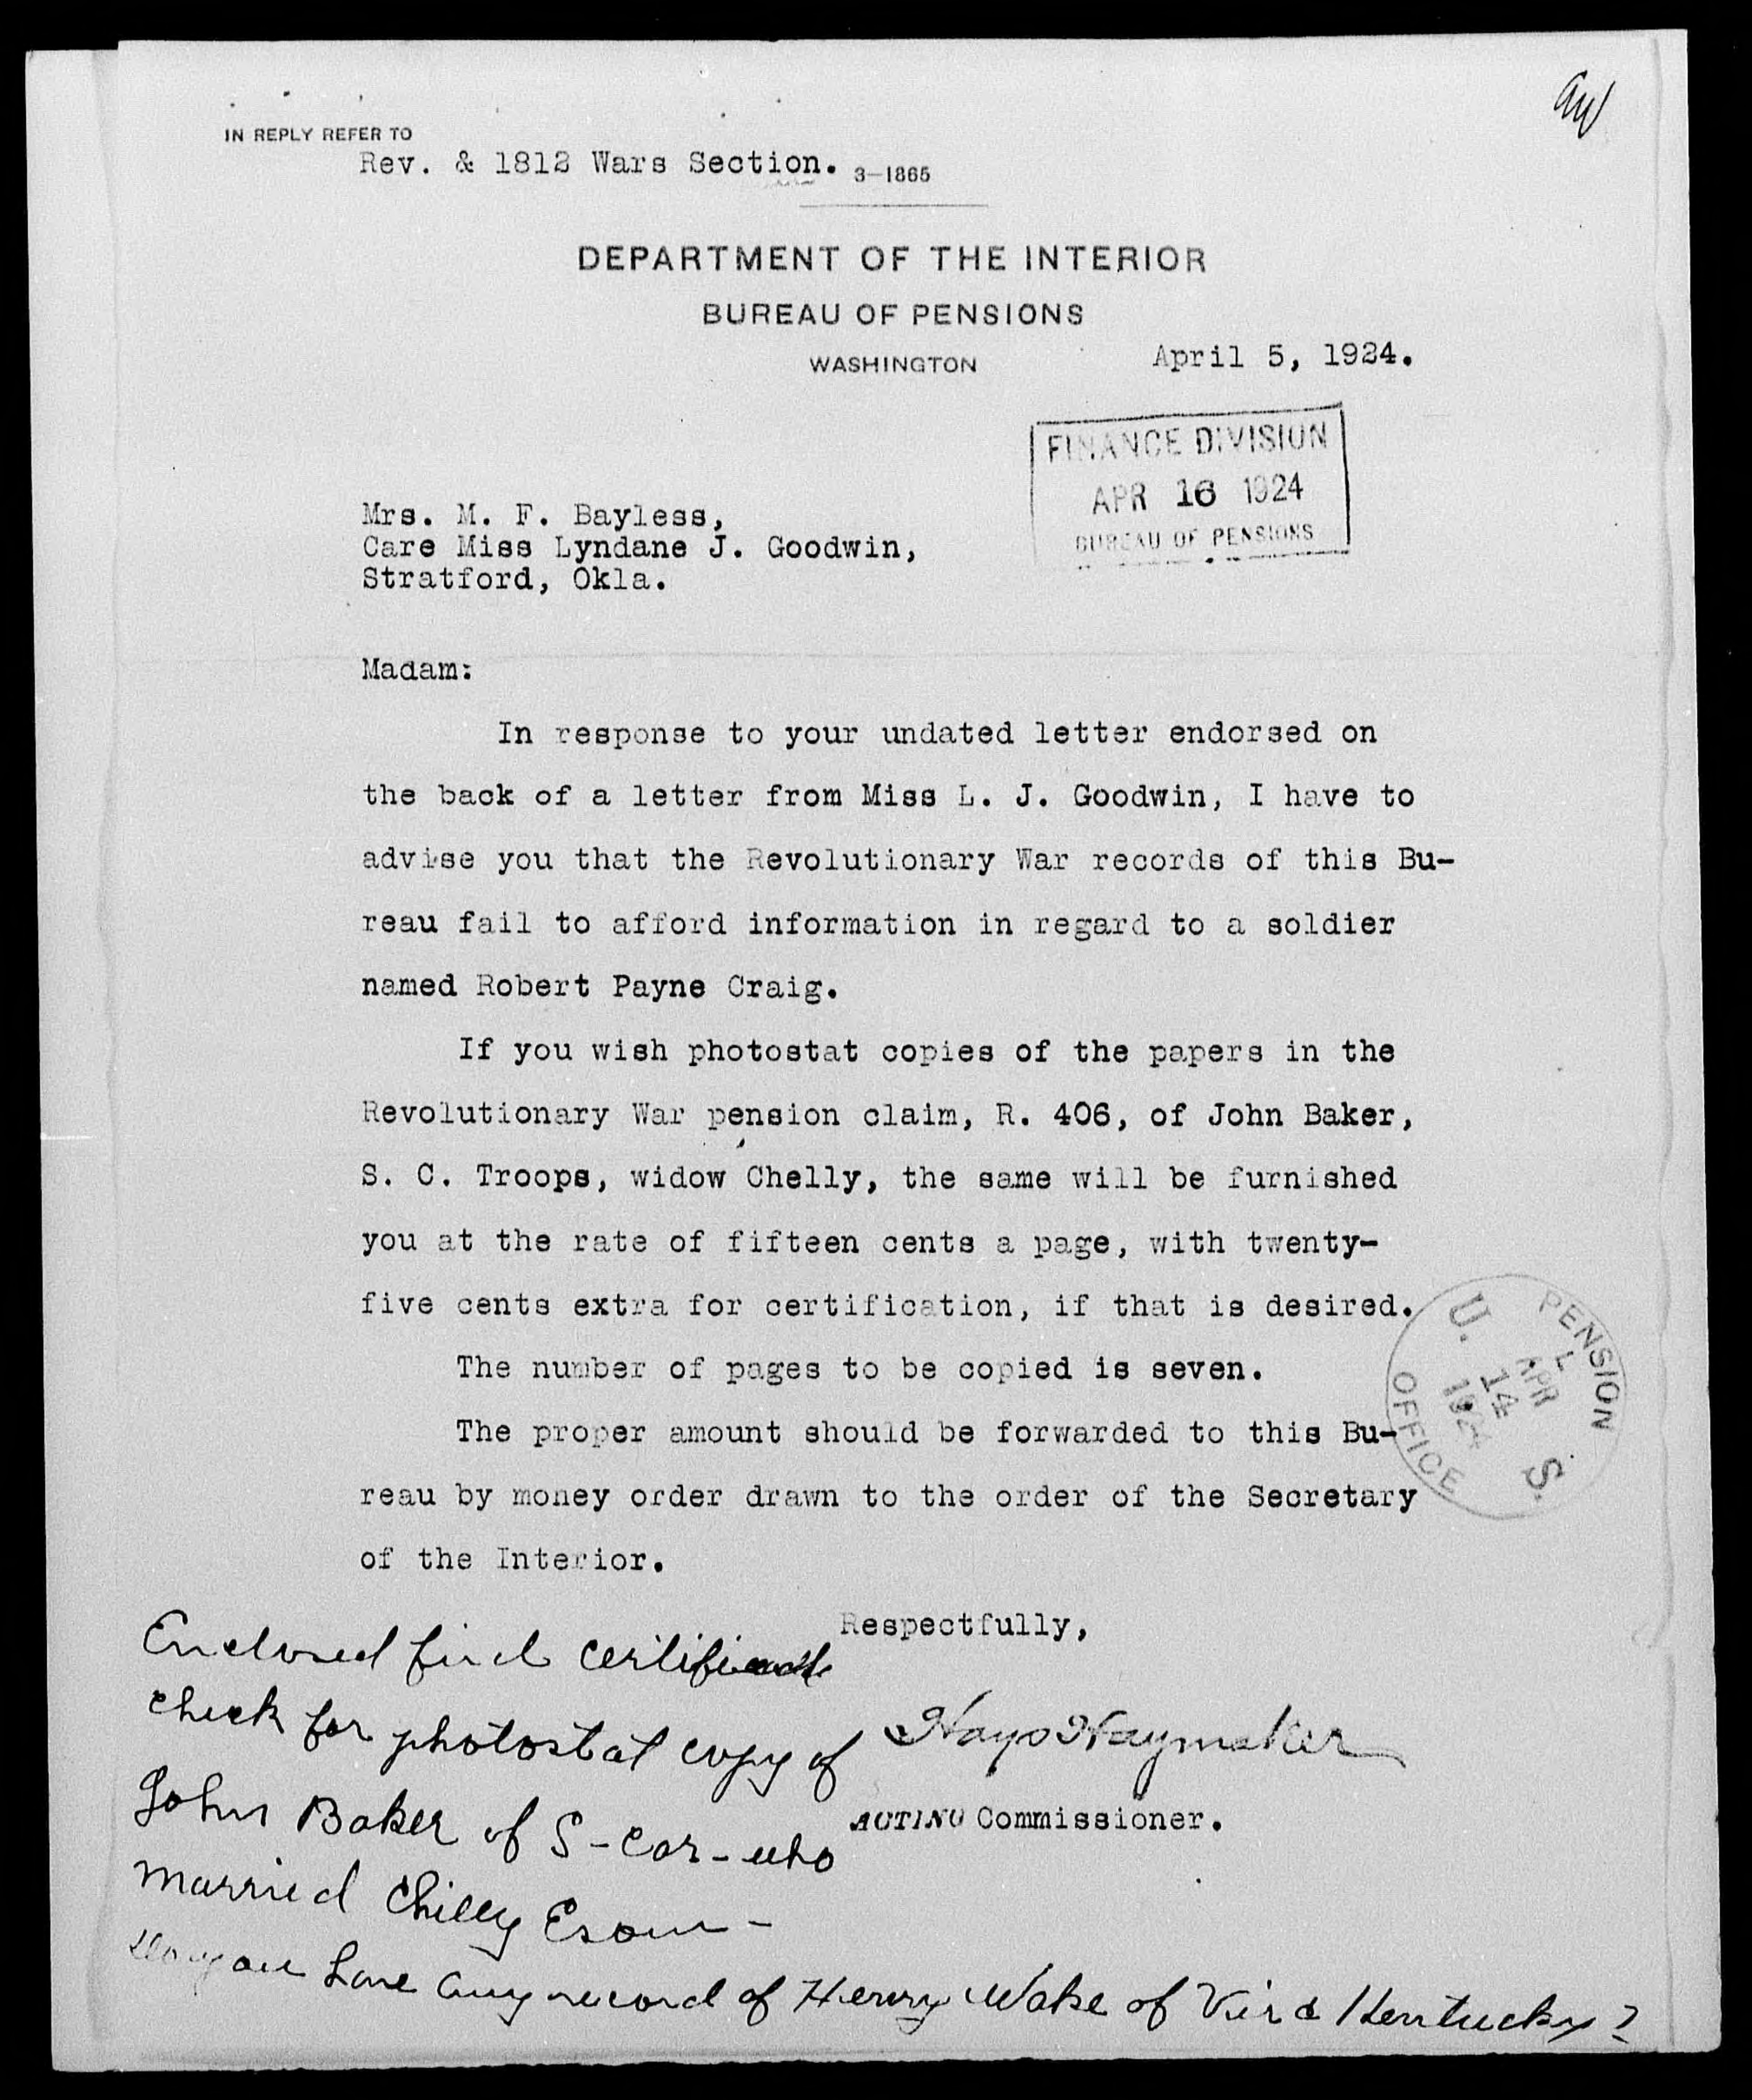IN REPLY REFER TO
Rev. & 1812 Wars Section. 3-1865 AW

DEPARTMENT OF THE INTERIOR
BUREAU OF PENSIONS
WASHINGTON
April 5, 1924.

Mrs. M. F. Bayless,
Care Miss Lyndane J. Goodwin,
Stratford, Okla.

[stamp]
FINANCE DIVISION
APR 16 1924
BUREAU OF PENSIONS

Madam:
In response to your undated letter endorsed on the back of a letter from Miss L. J. Goodwin, I have to advise you that the Revolutionary War records of this Bureau fail to afford information in regard to a soldier named Robert Payne Craig.
If you wish photostat copies of the papers in the Revolutionary War pension claim, R. 406, of John Baker, S. C. Troops, widow Chelly, the same will be furnished you at the rate of fifteen cents a page, with twenty-five cents extra for certification, if that is desired.
The number of pages to be copied is seven.
The proper amount should be forwarded to this Bureau by money order drawn to the order of the Secretary of the Interior.
Respectfully,
Hays Haymaker
ACTING Commissioner.

[stamp] U.S. PENSION OFFICE L APR 14 1924

Enclosed find certificate check for photostat copy of John Baker of S - Car - who married Chilly Esom - Do you have any record of Henry Wake of Vir & Kentucky?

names: Hays Haymaker, Henry Wake, John Baker, Lyndane J Goodwin, L J Goodwin, John Baker, Robert Payne Craig, Chilly Esom, M F Bayless, Chelly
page: 26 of 27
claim: rejected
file: R. 406, John Baker, S.C.